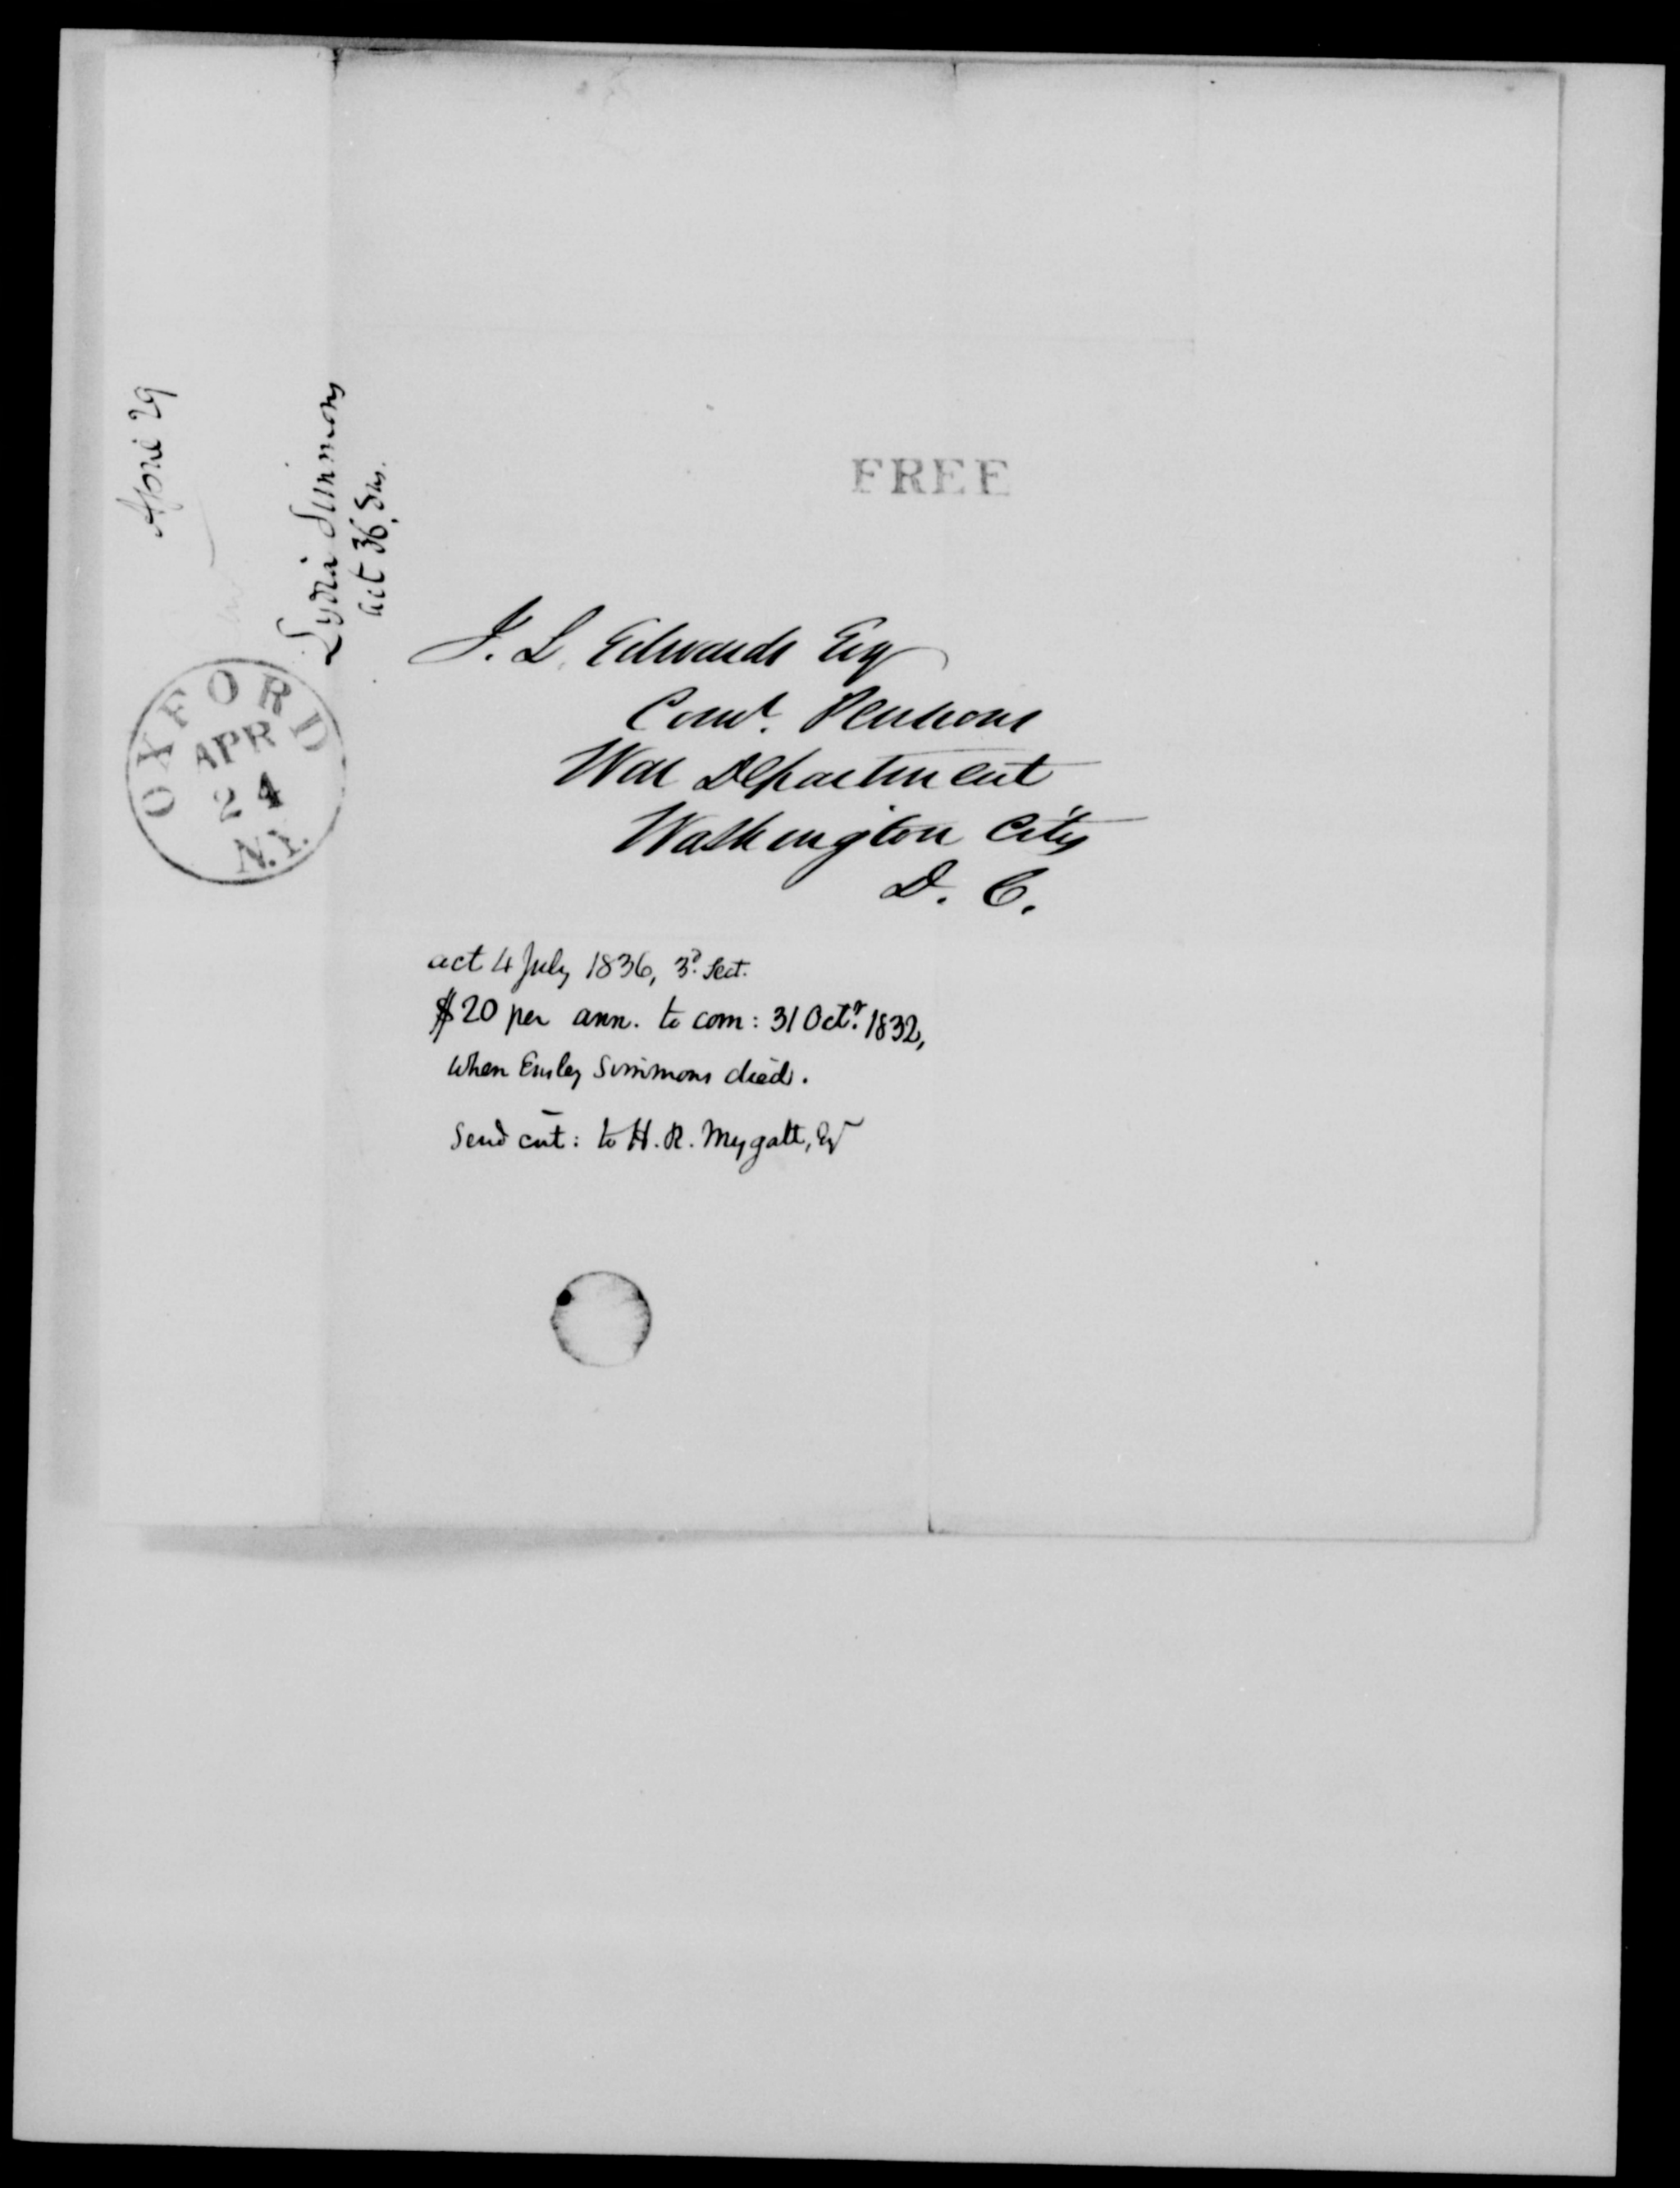April 29
Lydia Simmons
Act 36. Sus.
Oxford N.Y. Apr 24
FREE

J.L. Edwards Esq
Com. Pensions
War Department
Washington City D.C.

act 4 July 1836, 3d. Sect.
$20 per ann. to com: 31 Oct. 1832
When Ensley Simmons died.
Send cut: to H.R. Mygatt, Esq.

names: H R Mygatt; Lydia Simmons; Ensley Simmons; J L Edwards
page: 20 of 29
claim: widow's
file: W. 19,032, for Ensley Simmons, New York